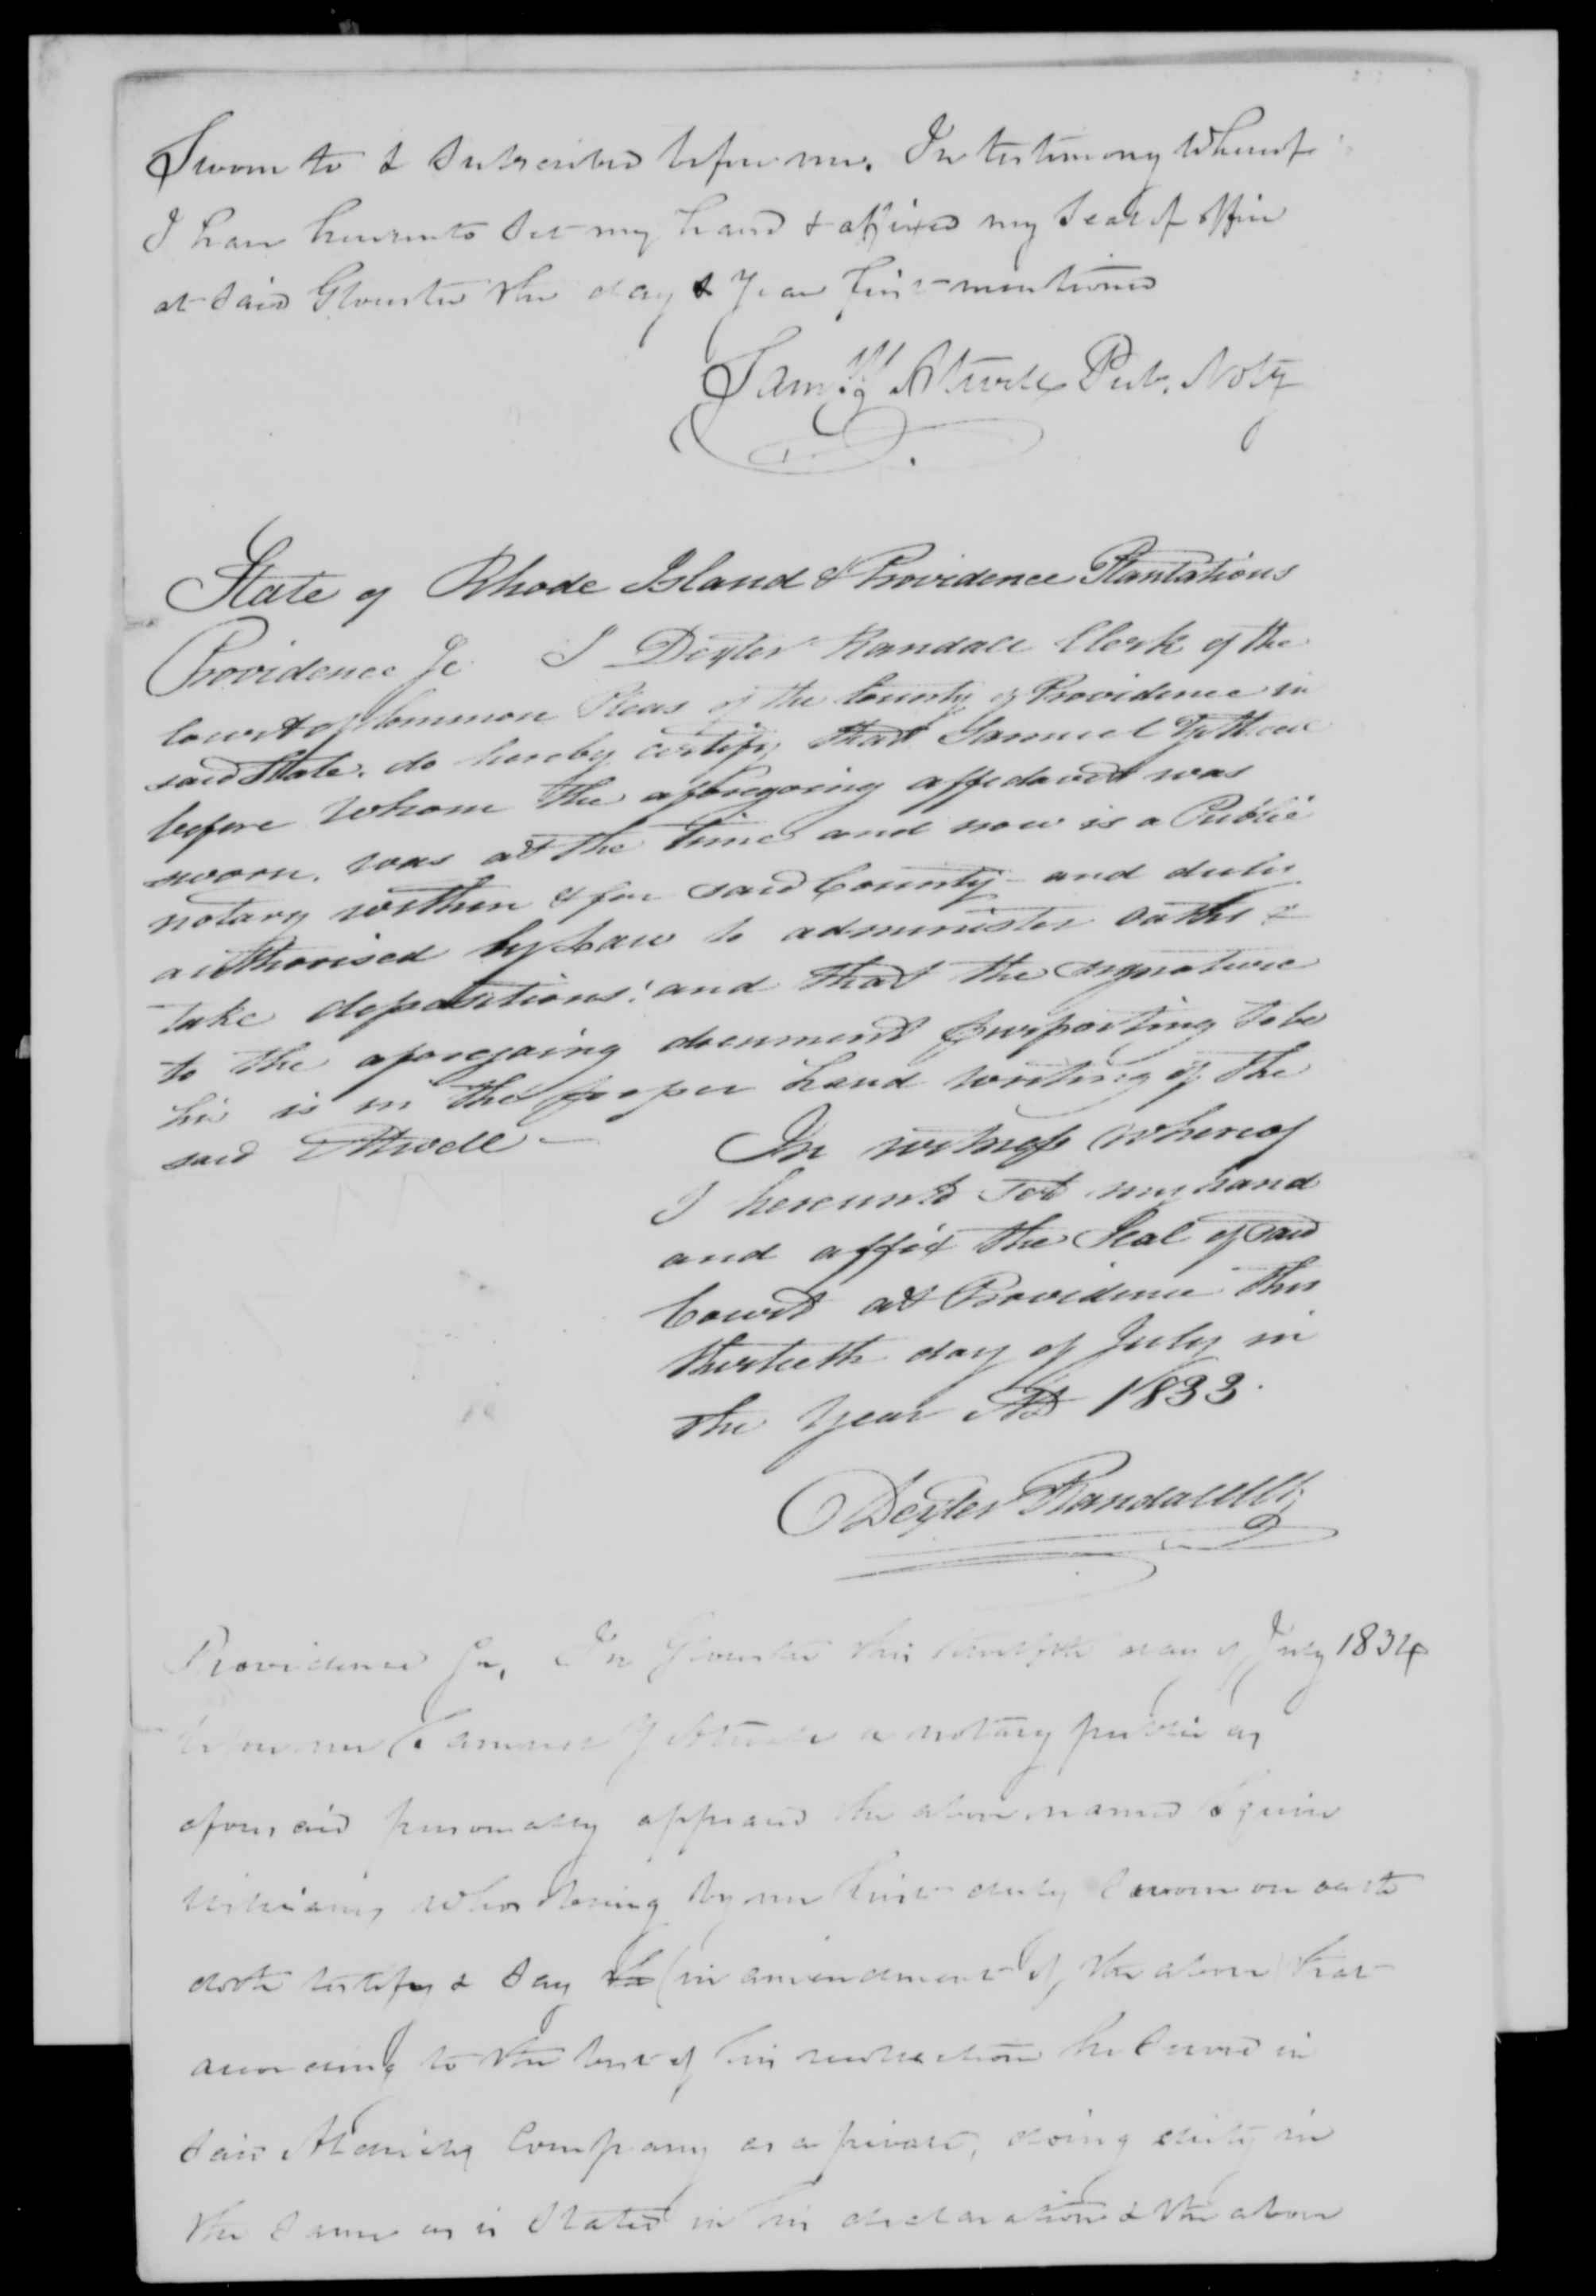Sworn to & subscribed before me. In testimony whereof I have hereunto set my hand & affixed my seal office at said Glouster the day & year first mentioned 

Sam Atwell Pub. Noty

State of Rhode Island & Providence Plantations
 
Providence (Illegible)  I Dexter Randall Clerk of the Court of Common Pleas of the County of Providence in said State, do hereby certify that Samuel Y Atwell before whom the foregoing affidavit was sworn, was at the time and now is a Public notary within & for said County and duly authorised by law to administer oaths & take depositions; and that the signature to the aforegoing document purporting to be his is in the proper hand writing of the said Atwell-
 In witness whereof I hereunto set my hand and affix the Seal of said Court at Providence this thirtieth day of July in the year AD 1833 
Dexter Randall

Providence (Illegible), In Glouster this twelfth day of July 1834 Samuel Y Atwell a notary public as aforesaid personally appeared the above named Squire Williams who being by me first duly sworn on oath doth testify & say (crossed out “th”) (in amendment of the above) has according to the best of his recollection he served in said Aldrichs Company as a private, doing duty in the same as is stated in his declaration & the above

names: Dexter Randall, Saml Y Atwell, Squire Williams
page: 20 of 23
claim: survivor's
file: S. 21576, Squire Williams, R. I.